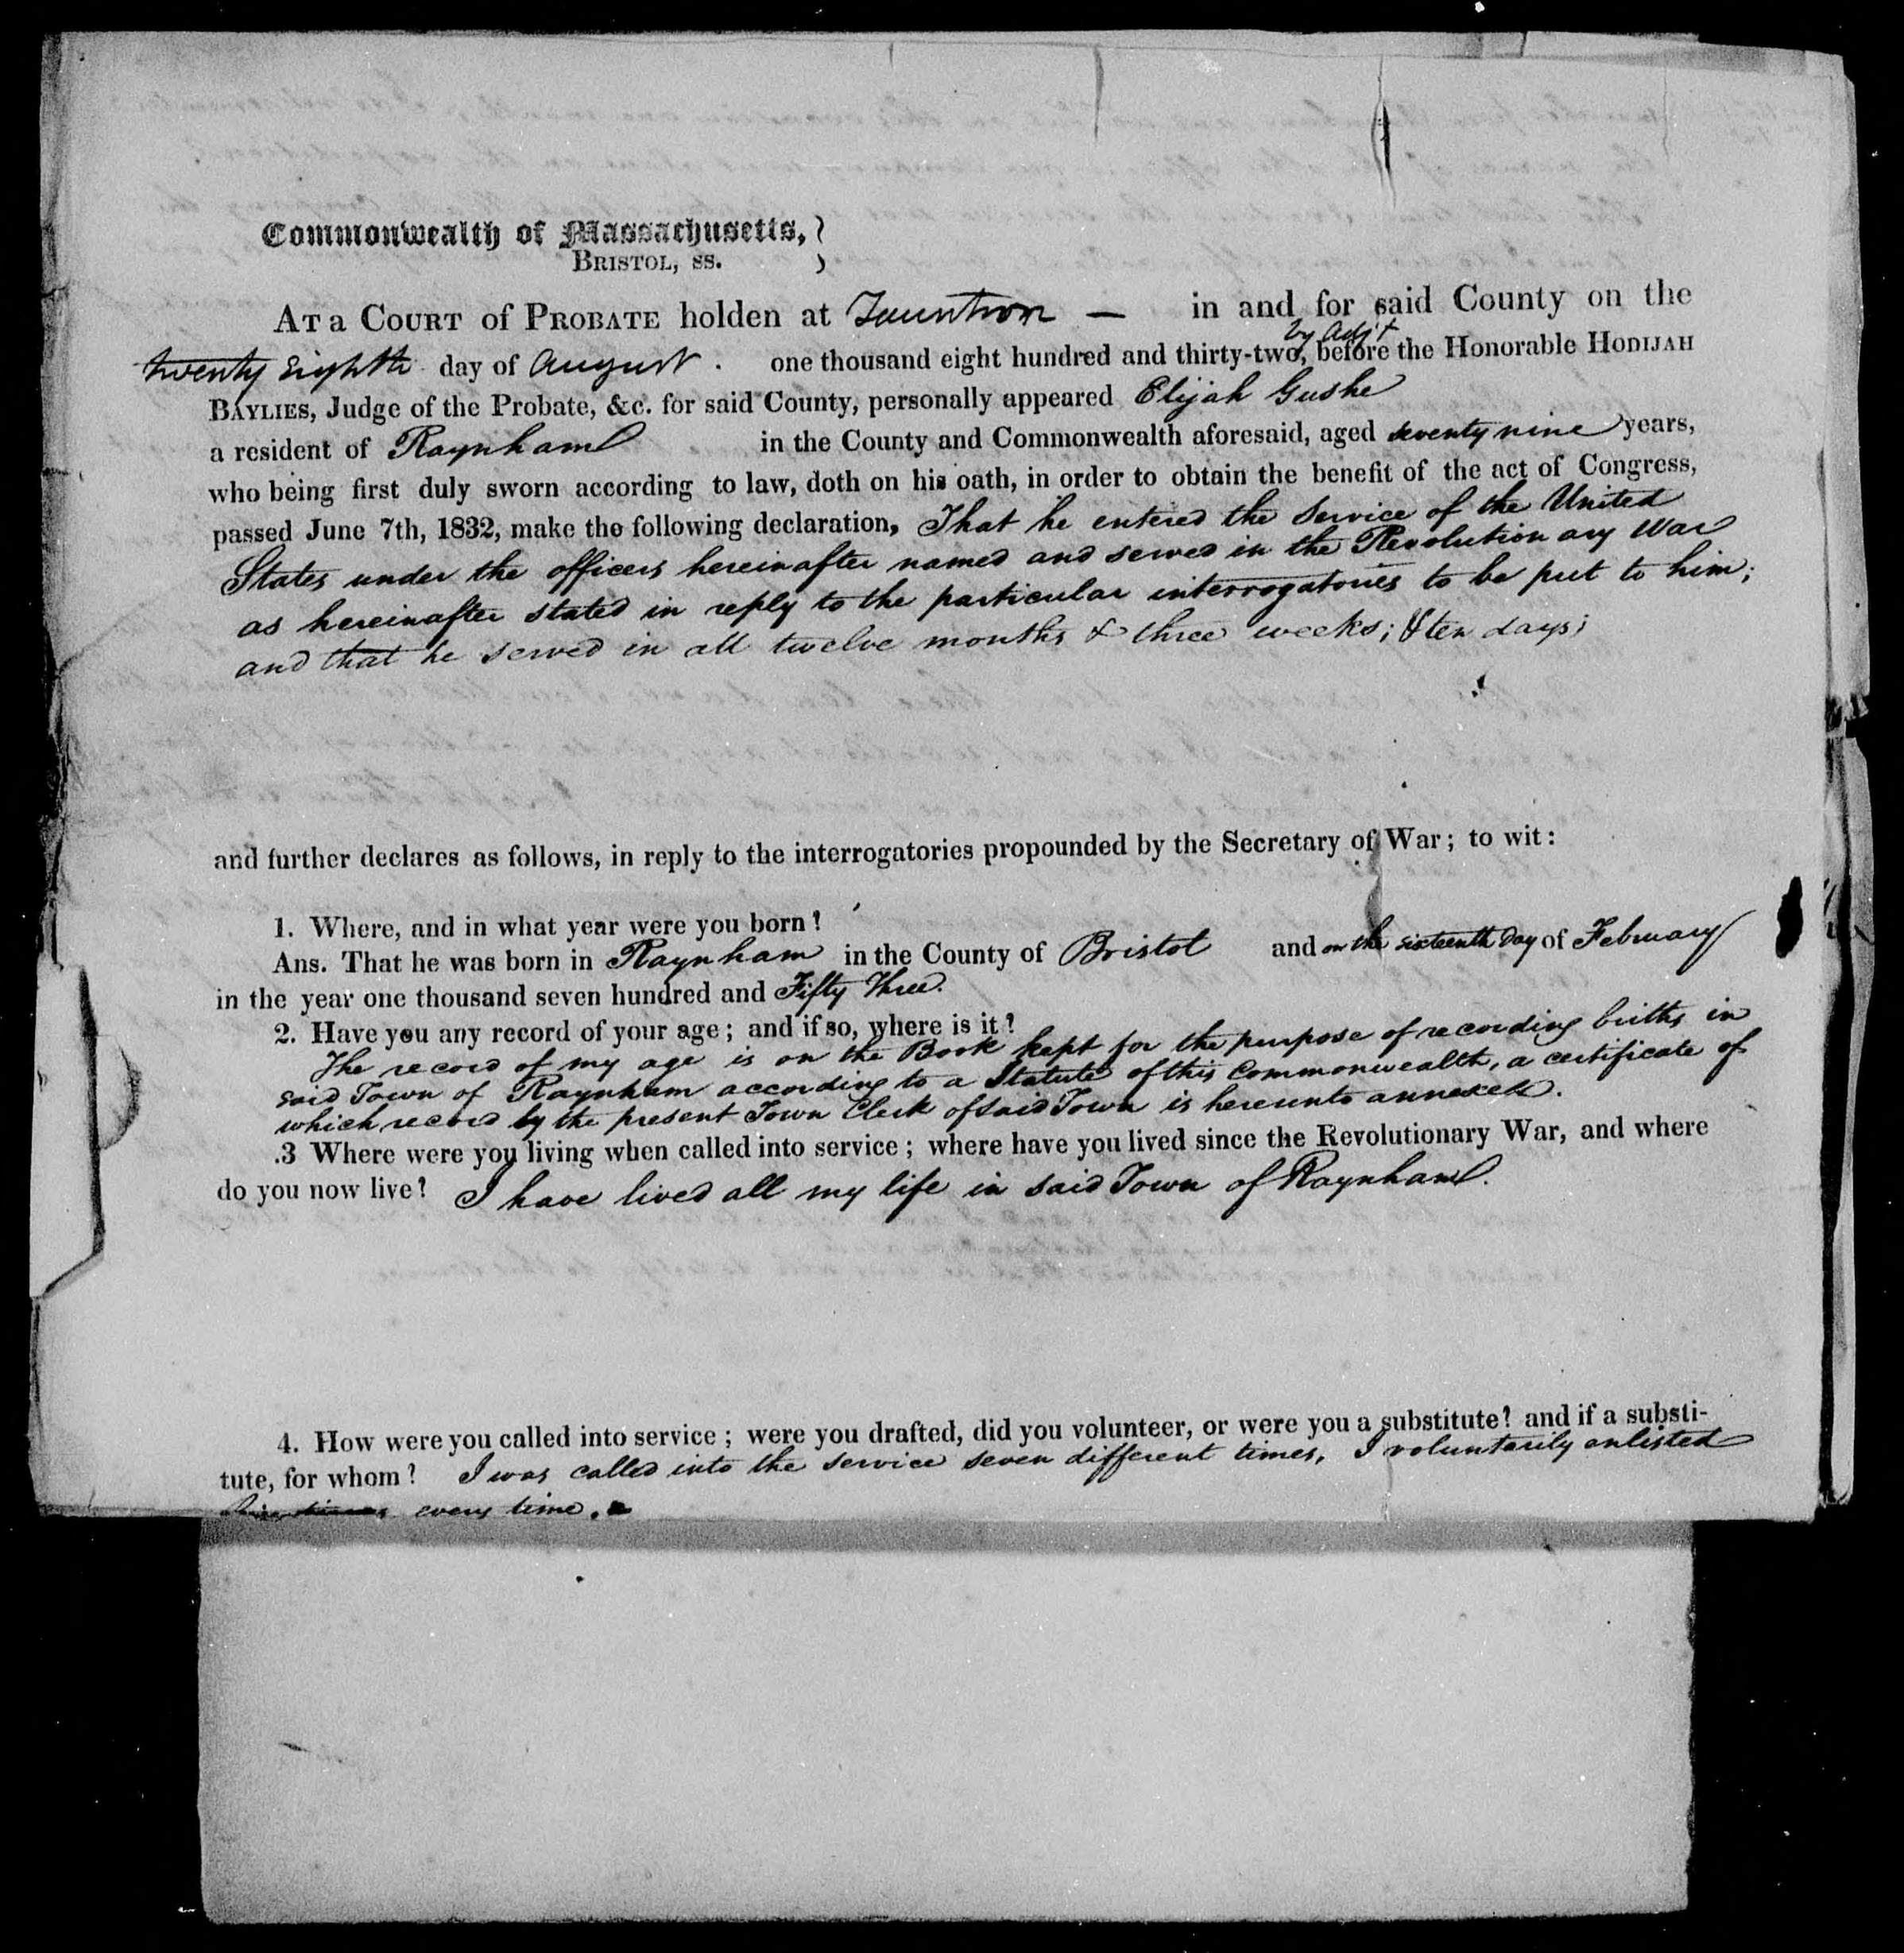Commonwealth of Massachusetts,
Bristol, ss. 

AT a COURT OF PROBATE holden at Taunton in 
and for said County on the Eighth day of August. one thousand eight hundred and thirty-two [illegible] before the Honorable HODIJAH BAYLIES, Judge of the Probate, &c. for said County, personally appeared Elijah Gushe a resident of Raynham in the County and Commonwealth aforesaid, aged seventy nine years, who being first duly sworn according to law, doth on his oath, in order to obtain the benefit of the act of Congress,
passed June 7th, 1832, make the following declaration, That he entered the service of the United States under the officers hereinafter named and served in the Revisionary War as hereinafter states in reply to the particular interrogatories to be put to him, and that he served in all twelve months & three weeks; & ten days;

and further declares as follows, in reply to the interrogatories propounded by the Secretary of War; to wit:
1. Where, and in what year were you born?
Ans. That he was born in Raynham in the County of Bristol and on the sixteenth day of February in the year one thousand seven hundred and fifty three.

2. Have you any record of your age; and if so, where is it?
The record of my age is on the Book kept for the purpose of recording births in said Town of Raynham according to a Statute of this Commonwealth, a certificate of which record by the present Town Clerk of said Town is hereunto annexed

3 Where were you living when called into service; where have you lived since the Revolutionary War, and where
do you now live? I have lived all my life in said Town of Raynham.

4. How were you called into service; were you drafted, did you volunteer, or were you a substitute? for whom?  I was called into the service seven different times, I voluntarily enlisted every time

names: Hodijah Baylies, Elijah Gushe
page: 6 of 36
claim: widow's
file: W. 8838, Elijah Gushee, Mass.